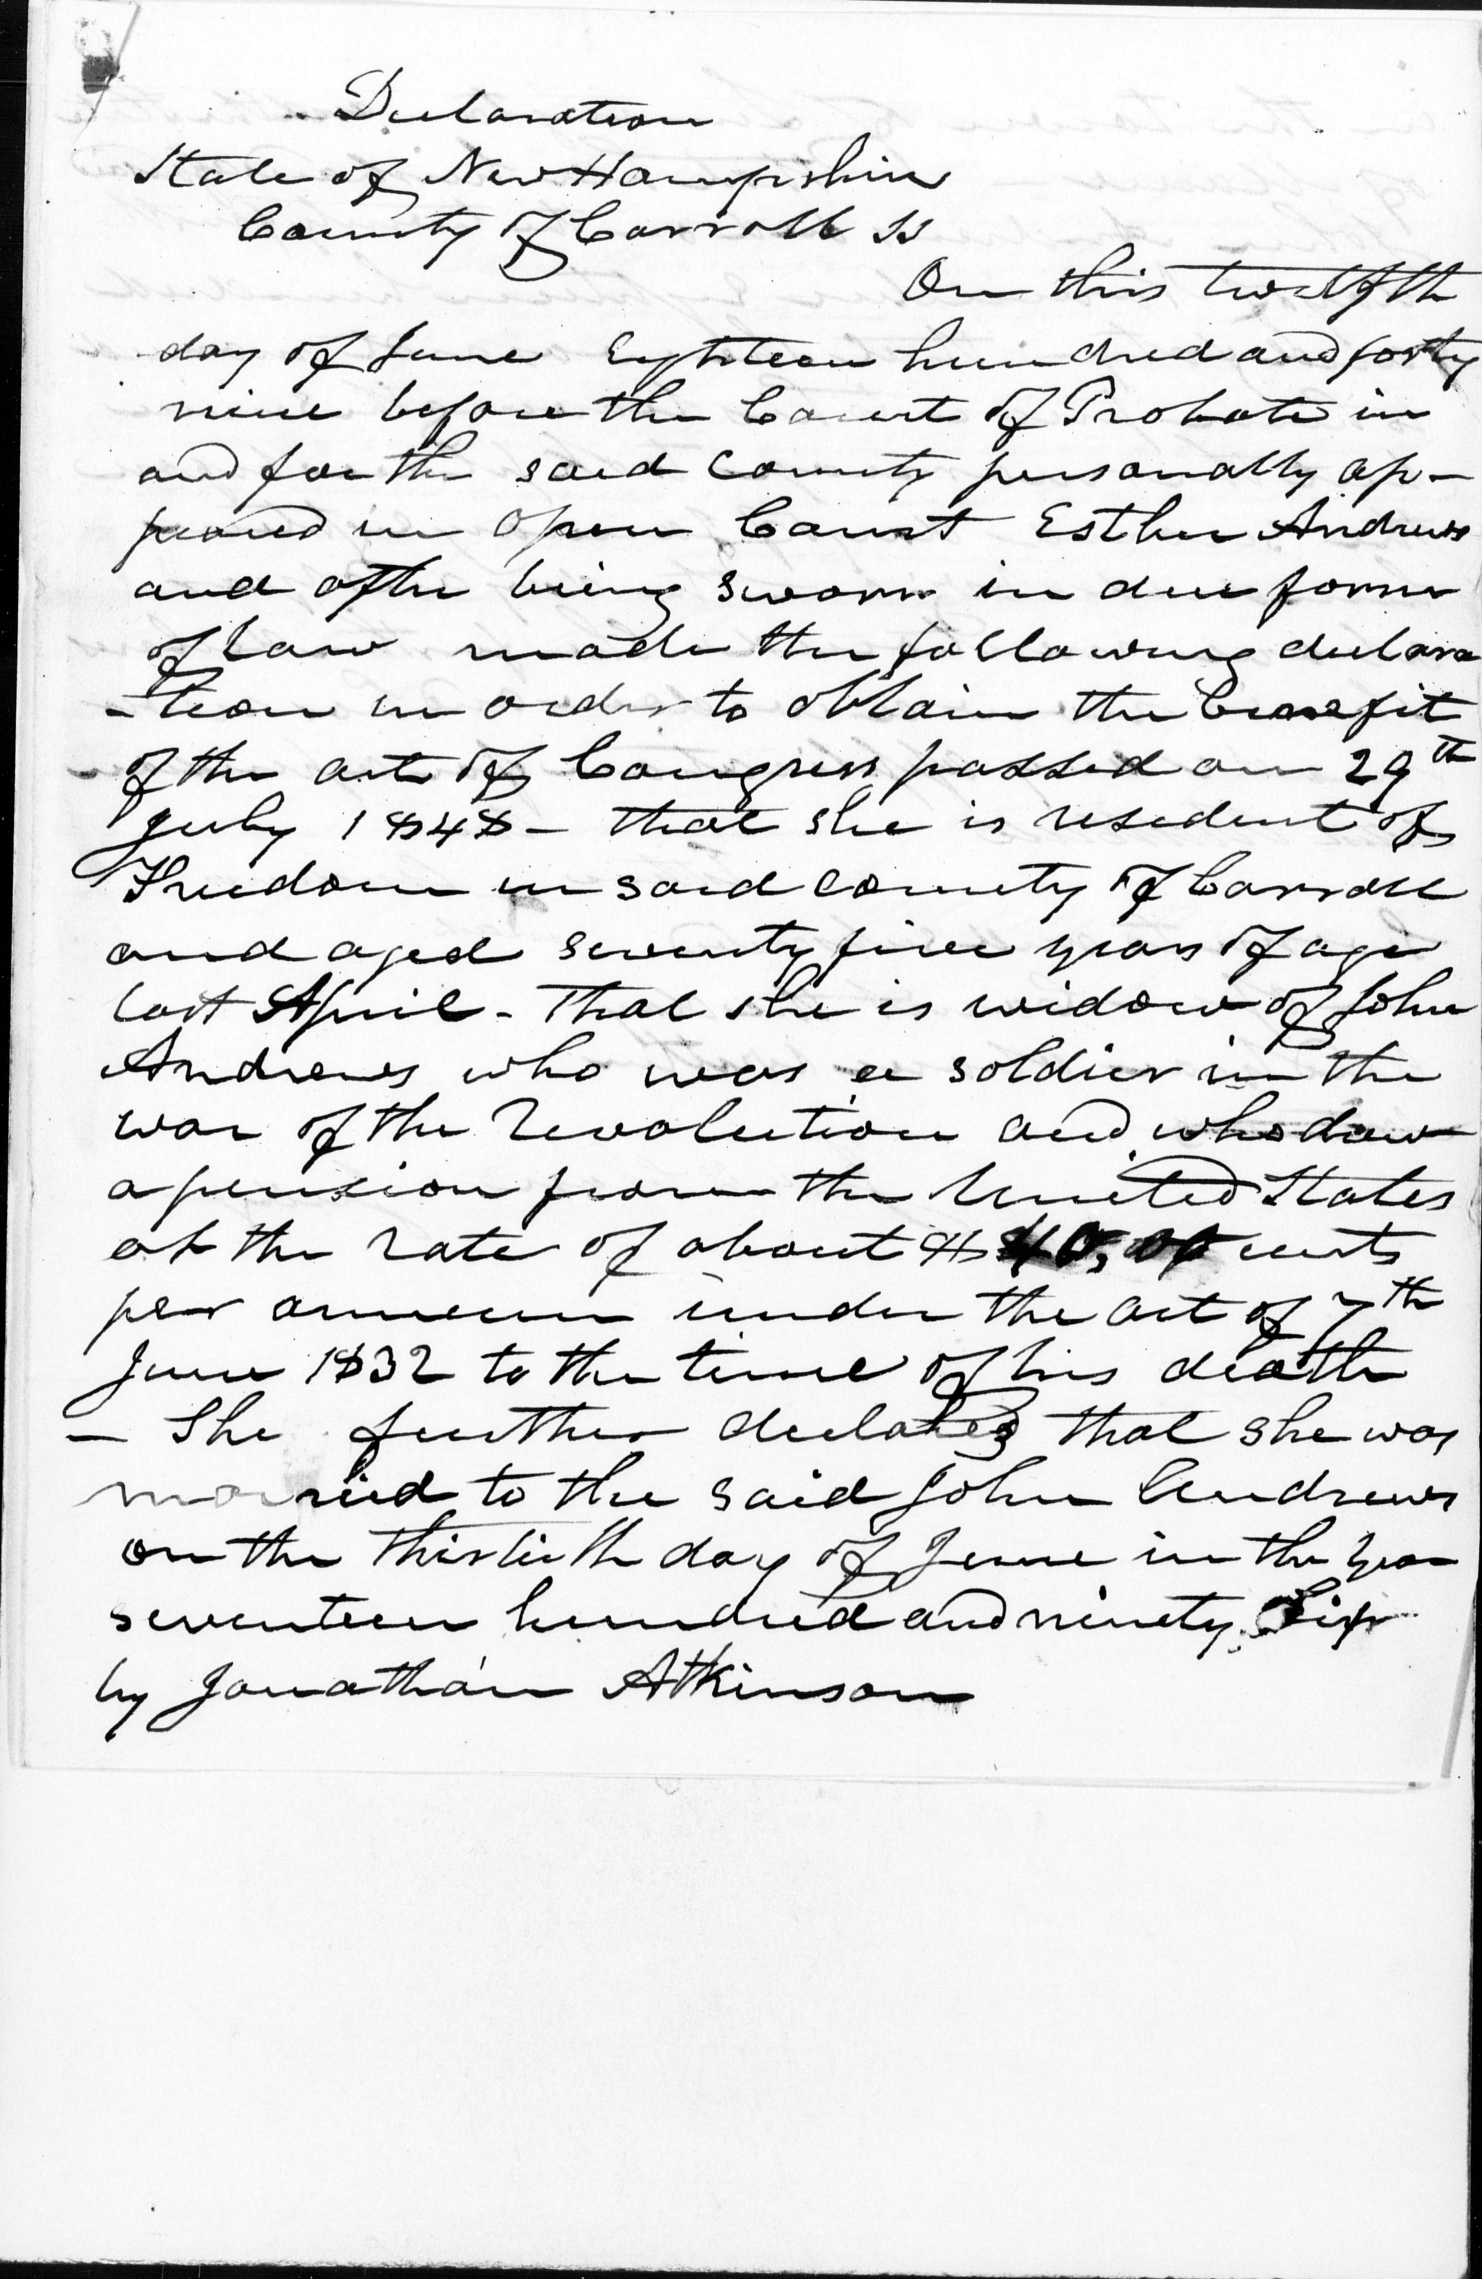Declaration 
State of New Hampshire 
County of Carroll SS 

On this twelfth day of June Eighteen hundred and forty nine before the Court of Probate in and for the said County personally appeared
in open Court Esther Andrews and after being sworn in due form of law made the following declaration in order to obtain the benefit of the act of Congress passed on 29th July 1848- 

that she is resident of Freedom in said County of Carroll and aged seventy five years of age last April, that she is widow of John Anders who was a soldier in the war of the Revolution and who a pension from the United States at the rate of about $40 and [?] cents per annum under the act of 7th June 1832 to the time of his death -

She further declares that she was married to the said John Andrews on the thirtieth day of June in the year seventeen hundred and ninety Six.

 by Jonathan Atkinson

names: John Andrews, Esther Andrews, John Andrews, Jonathan Atkinson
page: 10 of 23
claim: widow's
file: W. 1693, John Andrews, Mass.